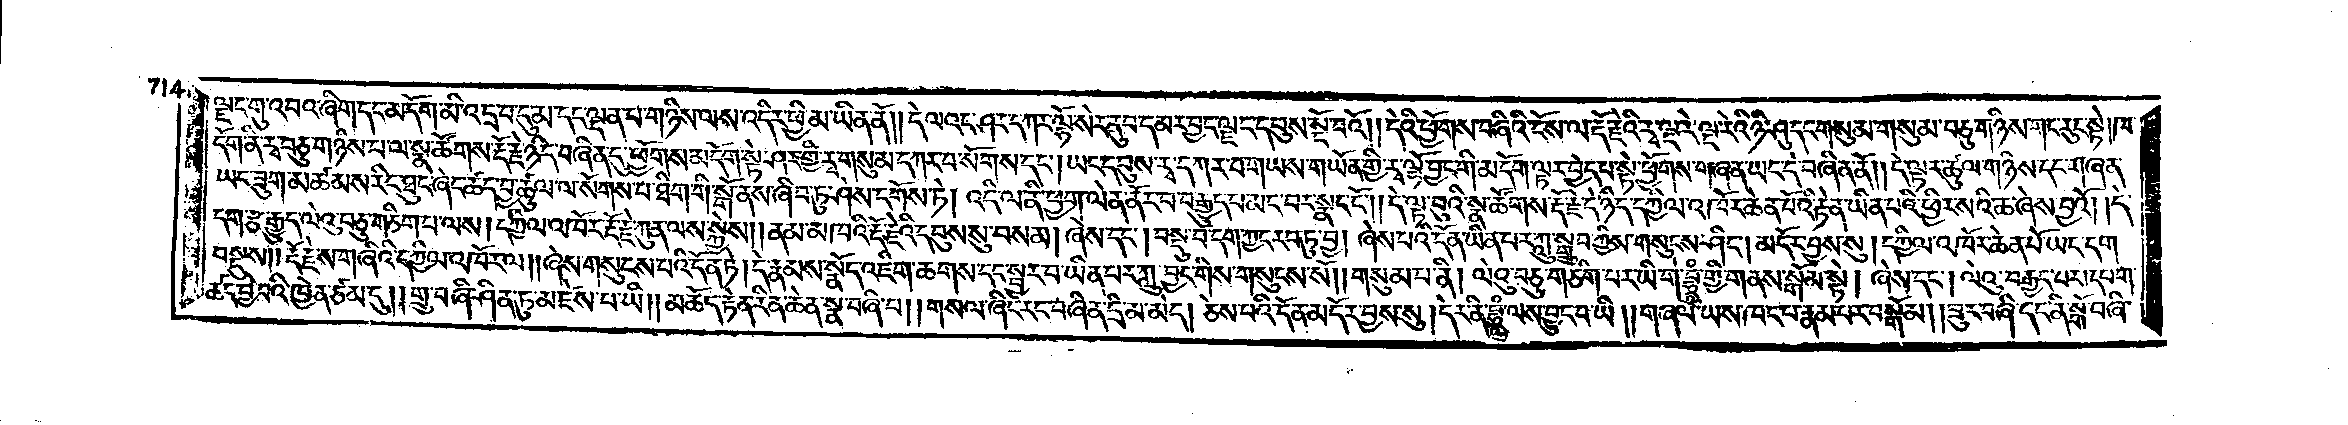ལྗང་གུ་འབའ་ཞིག་དང་མདོག་མི་འདྲ་བ་དུ་མ་དང་ལྡན་པ་གཉིས་ལས་འདིར་ཕྱི་མ་ཡིན་ནོ། །དེ་ལའང་ཤར་དཀར་ལྷོ་སེར་ནུབ་དམར་བྱང་ལྗང་དབུས་སྔོ་བའོ། །དེའི་ཕྱོགས་བཞིའི་ངོས་ལ་རྡོ་རྗེའི་རྭ་ལྔ་རེ་ལྔ་རེའི་ཉི་ཤུ་དང་གསུམ་གསུམ་བཅུ་གཉིས་གང་རུང་སྟེ། ཁ་
དོག་ནི་རྭ་བཅུ་གཉིས་པ་ལ་སྣ་ཚོགས་རྡོ་རྗེ་ཉིད་བཞིན་དུ་ཕྱོགས་མདོག་སྟེ་ཤར་གྱི་རྭ་གསུམ་དཀར་བ་སོགས་དང་། ཡང་དབུས་རྭ་དཀར་བ་གཡས་གཡོན་གྱི་རྭ་ལྷོ་བྱང་གི་མདོག་ལྟར་བྱེད་པ་སྟེ་ཕྱོགས་གཞན་ཡང་དེ་བཞིན་ནོ། །དེ་ལྟར་ཚུལ་གཉིས་དང་གཞན་
ཡང་ཟུག་མཚམས་རིང་ཐུང་ཞེང་ཚད་བྱ་ཚུལ་ལ་སོགས་པ་ཐིག་གི་སྒོ་ནས་ཞིབ་ཏུ་ཤེས་དགོས་ཏེ། འདི་ལ་ནི་ཕྱག་ལེན་ནོར་བ་བརྒྱུད་པ་མང་བར་སྣང་ངོ། །དེ་ལྟ་བུའི་སྣ་ཚོགས་རྡོ་རྗེ་དེ་ཉིད་དཀྱིལ་འཁོར་ཆེན་པོའི་རྟེན་ཡིན་པའི་ཕྱིར་སའི་ཆ་ཞེས་བྱའོ། །དེ་
དག་རྩ་རྒྱུད་ལེའུ་བཅུ་གཅིག་པ་ལས། དཀྱིལ་འཁོར་རྡོ་རྗེ་ཀུན་ལས་སྐྱེས། །ནམ་མཁའི་རྡོ་རྗེའི་དབུས་སུ་བསམ། ཞེས་དང་། བསྡུ་བ་དག་ཀྱང་རབ་ཏུ་བྱ། ཞེས་པའི་དོན་ཡིན་པར་ཀླུ་སྒྲུབ་ཀྱིས་གསུངས་ཤིང་། མདོར་བྱས་སུ། དཀྱིལ་འཁོར་ཆེན་པོ་ཡང་དག་
བསྡུས། །རྡོ་རྗེ་ས་གཞིའི་དཀྱིལ་འཁོར་ལ། །ཞེས་གསུངས་པའི་དོན་ཏེ། དེ་རྣམས་སྣོད་འཇིག་ཆགས་དང་སྦྱར་བ་ཡིན་པར་ཀླུ་བྱང་གིས་གསུངས་སོ། །གསུམ་པ་ནི། ལེའུ་བཅུ་གཅིག་པར་ཡི་གེ་བྷྲཱུཾ་གྱི་གནས་སྒོམ་སྟེ། ཞེས་དང་། ལེའུ་བརྒྱད་པར། དཔག་
ཆད་བྱེ་བའི་ཁྱེན་ཙམ་དུ། །གྲུ་བཞི་ཤིན་ཏུ་མཛེས་པ་ཡི། །མཆོག་རྟེན་རིན་ཆེན་སྣ་བཞི་པ། །གསལ་ཞིང་རང་བཞིན་དྲི་མ་མེད། ཅེས་པའི་དོན་མདོར་བྱས་སུ། དེར་ནི་བྷྲཱུཾ་ལས་བྱུང་བ་ཡི། །གཞལ་ཡས་ཁང་པ་རྣམ་པར་བསྒོམ། །ཟུར་བཞི་དང་ནི་སྒོ་བཞི་